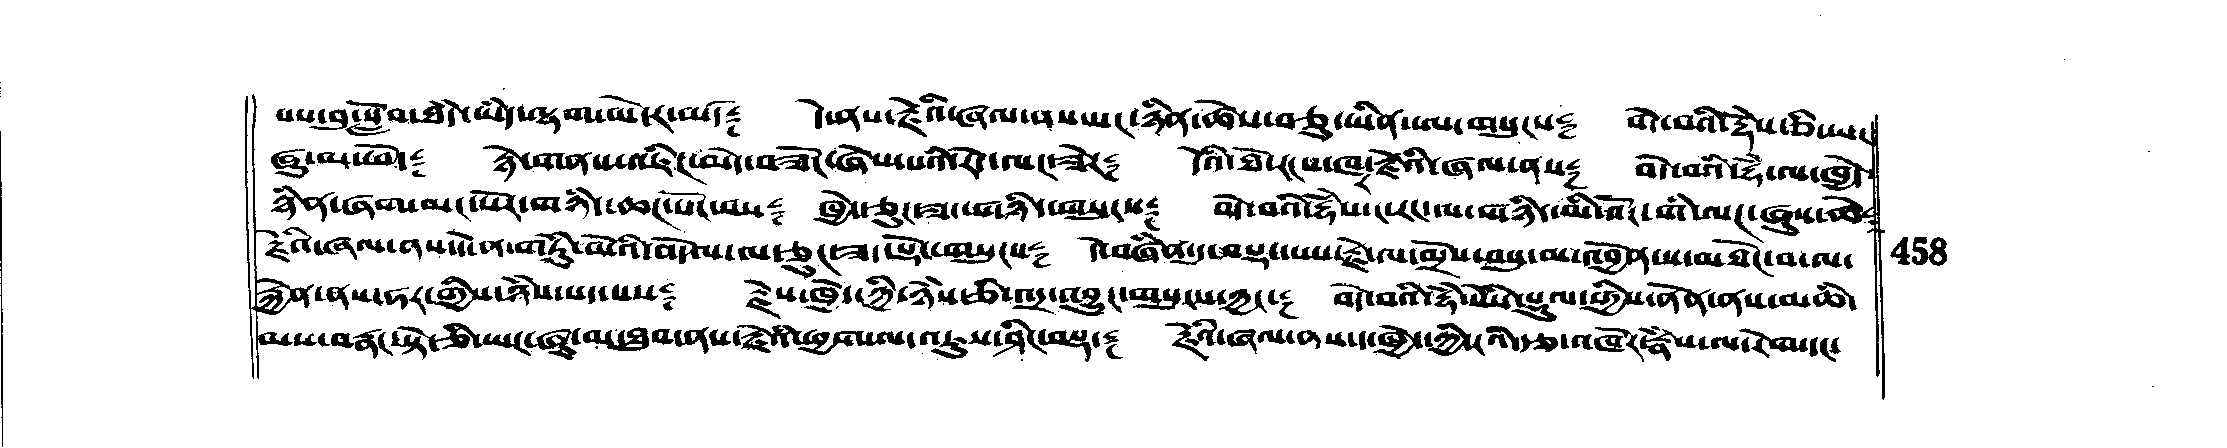པས་བུ་སློབ་ཐམས་ཅད་ཡིད་ལྷག་མེད་པར་མཛད། དེ་ནས་རྗེའི་ཞལ་ནས་སང་ཉིན་ཚེས་བཅུ་ཡིན་ཨ་གསུངས། བདེ་བའི་རྡོ་རྗེས་ཅི་ཡང་
ཞུ་མ་ཕོད། ཉེ་གནས་འཇིགས་མེད་བཟང་པོ་ཞེས་པས་རེད་ལགས་ཟེར། དེའི་ཐོ་རངས་ཁར་རྗེའི་ཞལ་ནས། བདེ་བའི་རྡོ་རྗེ་ལ་ཁྱེད་
ཉིན་ཞག་མང་པོར་གཉིད་ཆགས་སོང་བས། ཁྱེང་ཅུང་ཟད་གཉིད་གསུངས། བདེ་བའི་རྡོ་རྗེས་ང་རང་ལ་གཉིད་མི་འོང་གི་ལགས་ཞུས་ཚེ། 
རྗེའི་ཞལ་ནས་དེ་ན་གཏུམ་མོའི་བདེ་བ་ལ་ཅུང་ཟད་སྡོད་གསུངས། དེ་བཞིན་དུ་བསྡད་པས་རྗེ་ལ་མཁའ་འགྲོས་བསུ་མ་འབྱོན་པ་མཐོང་བ་ལ་
རྐྱེན་ནས་ཧར་གྱིས་ཉམས་སད་པས། རྗེས་ཁྱེད་ཀྱི་ཉམས་ཅི་འདྲ་བྱུང་གསུངས་ཀྱང་། བདེ་བའི་རྡོ་རྗེ་སེམས་སྡུག་བསྔལ་གྱིས་ནོན་ནས་མཆི་
མས་བརྣང་སྟེ་ཅི་ཡང་ཞུ་མ་ཐུབ་ནས་རྗེའི་ཕྱག་ལ་འཇུས་ཤིང་བསྡད། རྗེའི་ཞལ་ནས་ད་ཁྱེད་ཀྱི་ངའི་རྩ་འཁོར་རྣམས་ལ་རེག་དང་